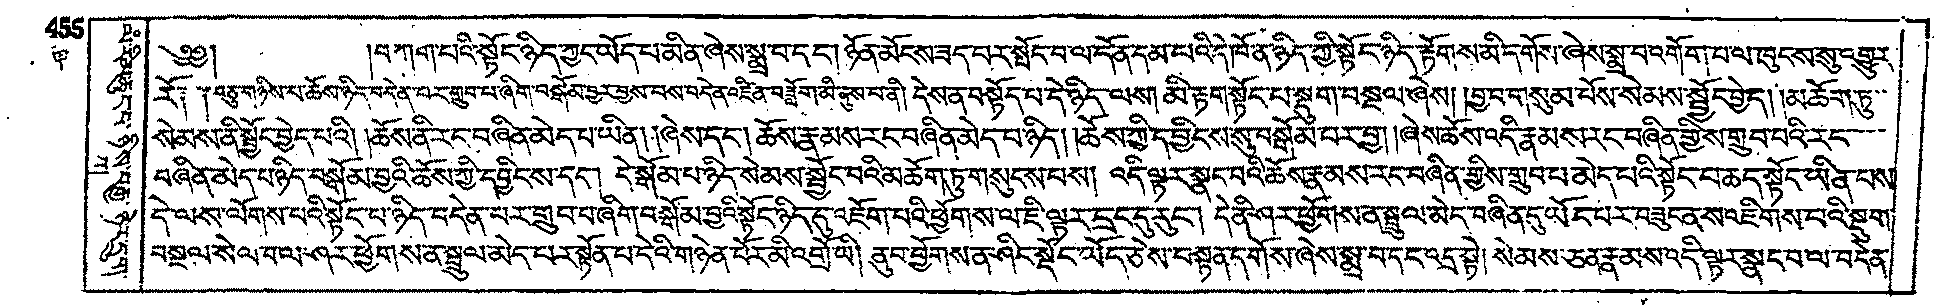༄༅། །བཀག་པའི་སྟོང་ཉིད་ཀྱང་ཡོད་པ་མིན་ཞེས་སྨྲ་བ་དང་། ཉོན་མོངས་ཟད་པར་སྤོང་བ་ལ་དོན་དམ་པའི་དེ་ཁོ་ན་ཉིད་ཀྱི་སྟོང་ཉིད་རྟོགས་མི་དགོས་ཞེས་སྨྲ་བ་འགོག་པ་ལ་ཁུངས་སུ་འགྱུར་
རོ༑ ༑བཅུ་གཉིས་པ་ཆོས་ཉིད་བདེན་པར་གྲུབ་པ་ཞིག་བསྒོམ་བྱར་བྱས་པས་བདེན་འཛིན་བཟློག་མི་ནུས་པ་ནི།  དེས་ན་བསྟོད་པ་དེ་ཉིད་ལས། མི་རྟག་པ་སྡུག་བསྔལ་ཞེས། །བྱ་བ་གསུམ་པོས་སེམས་སྦྱོང་བྱེད། །མཆོག་ཏུ་
སེམས་ནི་སྦྱོང་བྱེད་པའི། །ཆོས་ནི་རང་བཞིན་མེད་པ་ཡིན། །ཞེས་དང་། ཆོས་རྣམས་རང་བཞིན་མེད་པ་ཉིད། །ཆོས་ཀྱི་དབྱིངས་སུ་བསྒོམ་པར་བྱ། །ཞེས་ཆོས་འདི་རྣམས་རང་བཞིན་གྱིས་གྲུབ་པའི་རང་
བཞིན་མེད་པ་ཉིད་བསྒོམ་བྱའི་ཆོས་ཀྱི་དབྱིངས་དང་། དེ་སྒོམ་པ་ཉིད་སེམས་སྦྱོང་བའི་མཆོག་ཏུ་གསུངས་པས། འདི་ལྟར་སྣང་བའི་ཆོས་རྣམས་རང་བཞིན་གྱིས་གྲུབ་པ་མེད་པའི་སྟོང་པ་ཆད་སྟོང་ཡིན་པས་
དེ་ལས་ལོགས་པའི་སྟོང་པ་ཉིད་བདེན་པར་གྲུབ་པ་ཞིག་བསྒོམ་བྱའི་སྟོང་ཉིད་དུ་འཇོག་པའི་ཕྱོགས་ལ་ཇི་ལྟར་དྲང་དུ་རུང་། དེ་ནི་ཤར་ཕྱོགས་ན་སྦྲུལ་མེད་བཞིན་དུ་ཡོང་པར་བཟུང་ནས་འཇིགས་པའི་སྡུག་
བསྔལ་སེལ་བ་ལ་ཤར་ཕྱོགས་ན་སྦྲུལ་མེད་པར་སྟོན་པ་དེའི་གཉེན་པོར་མི་འགྲོ་ཡི། ནུབ་ཕྱོགས་ན་ཤིང་སྡོང་ཡོད་ཅེས་བསྟན་དགོས་ཞེས་སྨྲ་བ་དང་འདྲ་སྟེ། སེམས་ཅན་རྣམས་འདི་ལྟར་སྣང་བ་ལ་བདེན་